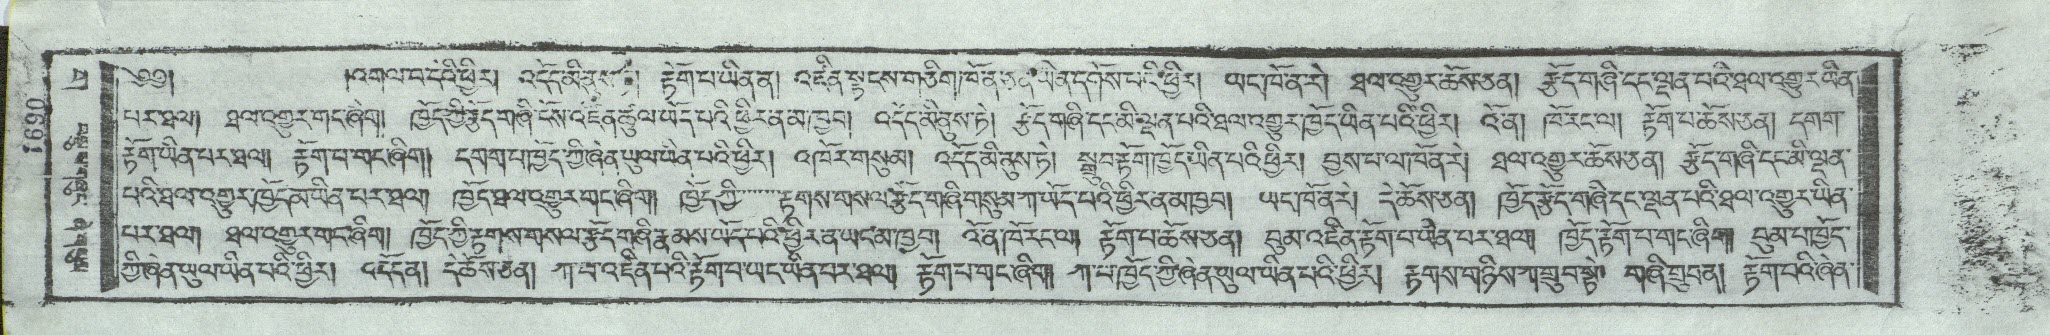༄༅། །འགལ་བ་དེའི་ཕྱིར། འདོད་མི་ནུས་ཏེ། རྟོག་པ་ཡིན་ན། འཛིན་སྟངས་གཅིག་ཁོ་ན་ཅན་ཡིན་དགོས་པའི་ཕྱིར། ཡང་ཁོ་ན་རེ། ཐལ་འགྱུར་ཆོས་ཅན། རྩོད་གཞི་དང་ལྡན་པའི་ཐལ་འགྱུར་ཡིན་
པར་ཐལ། ཐལ་འགྱུར་གང་ཞིག། ཁྱོད་ཀྱི་རྩོད་གཞི་ངོས་འཛིན་ཚུལ་ཡོད་པའི་ཕྱིར་ན་མ་ཁྱབ། འདོད་མི་ནུས་ཏེ། རྩོད་གཞི་དང་མི་ལྡན་པའི་ཐལ་འགྱུར་ཁྱོད་ཡིན་པའི་ཕྱིར། འོ་ན། ཁོ་རང་ལ། རྟོག་པ་ཆོས་ཅན། དགག་
རྟོག་ཡིན་པར་ཐལ། རྟོག་པ་གང་ཞིག། དགག་པ་ཁྱོད་ཀྱི་ཞེན་ཡུལ་ཡིན་པའི་ཕྱིར། འཁོར་གསུམ། འདོད་མི་ནུས་ཏེ། སྒྲུབ་རྟོག་ཁྱོད་ཡིན་པའི་ཕྱིར། བྱས་པ་ལ་ཁོ་ན་རེ། ཐལ་འགྱུར་ཆོས་ཅན། རྩོད་གཞི་དང་མི་ལྡན་
པའི་ཐལ་འགྱུར་ཁྱོད་མ་ཡིན་པར་ཐལ། ཁྱོད་ཐལ་འགྱུར་གང་ཞིག། ཁྱོད་ཀྱི་རྟགས་གསལ་རྩོད་གཞི་གསུམ་ཀ་ཡོད་པའི་ཕྱིར་ན་མ་ཁྱབ། ཡང་ཁོ་ན་རེ། དེ་ཆོས་ཅན། ཁྱོད་རྩོད་གཞི་དང་ལྡན་པའི་ཐལ་འགྱུར་ཡིན་
པར་ཐལ། ཐལ་འགྱུར་གང་ཞིག། ཁྱོད་ཀྱི་རྟགས་གསལ་རྩོད་གཞི་རྣམས་ཡོད་པའི་ཕྱིར་ན་ཡང་མ་ཁྱབ། འོ་ན་ཁོ་རང་ལ། རྟོག་པ་ཆོས་ཅན། བུམ་འཛིན་རྟོག་པ་ཡིན་པར་ཐལ། ཁྱོད་རྟོག་པ་གང་ཞིག། བུམ་པ་ཁྱོད་
ཀྱི་ཞེན་ཡུལ་ཡིན་པའི་ཕྱིར། འདོད་ན། དེ་ཆོས་ཅན། ཀ་བ་འཛིན་པའི་རྟོག་པ་ཡང་ཡིན་པར་ཐལ། རྟོག་པ་གང་ཞིག། ཀ་བ་ཁྱོད་ཀྱི་ཞེན་ཡུལ་ཡིན་པའི་ཕྱིར། རྟགས་གཉིས་ཀ་གྲུབ་སྟེ། གཞི་གྲུབ་ན། རྟོག་པའི་ཞེན་